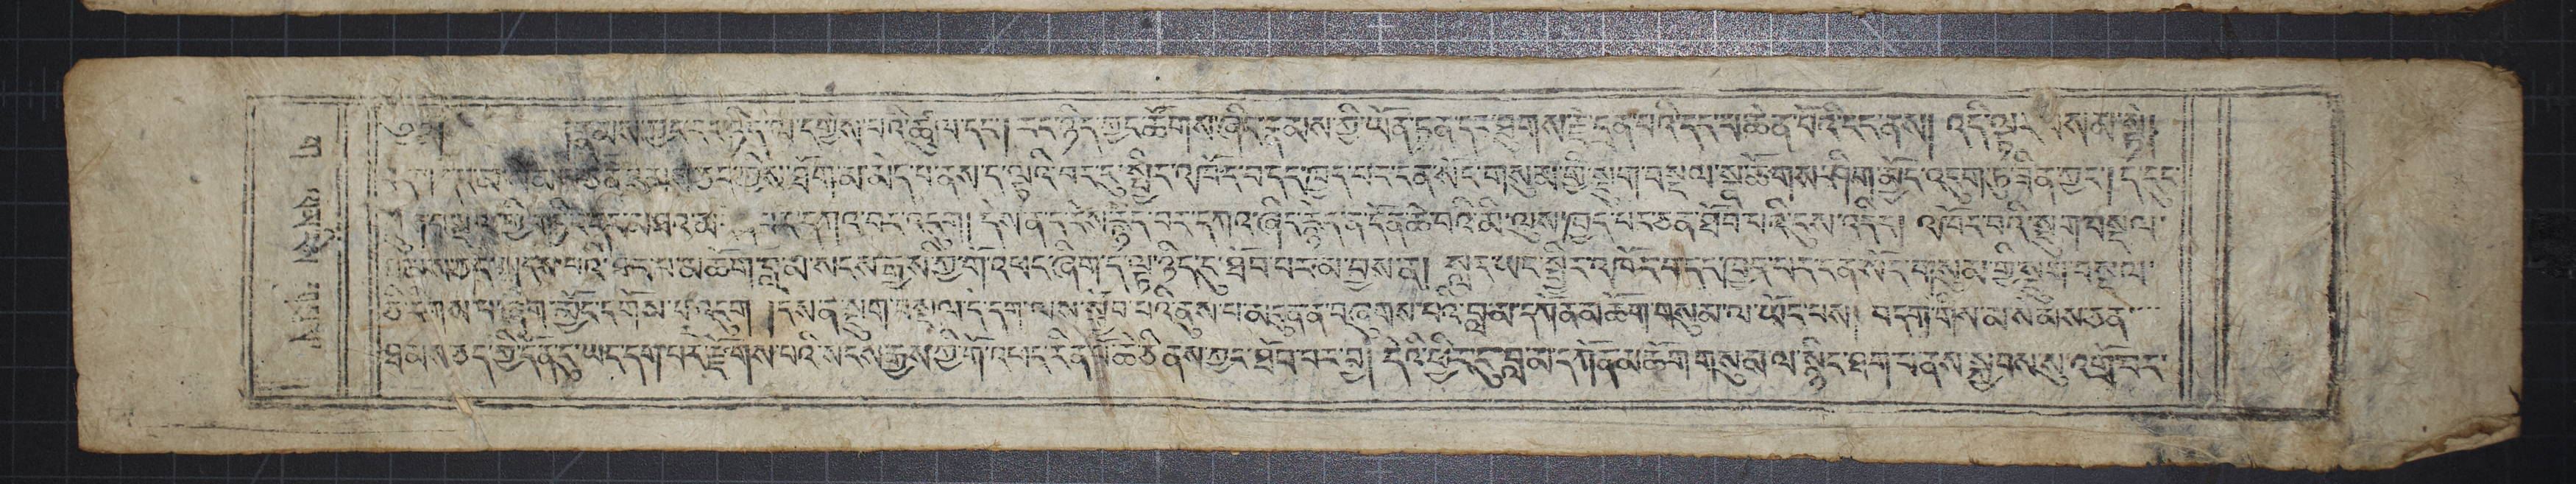༄༅། །རྣམས་ཀྱང་རང་ཉིད་ལ་དགྱེས་པའི་ཚུལ་དང་། རང་ཉིད་ཀྱང་ཚེགས་ཞིང་རྣམས་ཀྱི་ཡོན་ཏན་དང་ཐུགས་རྗེ་དྲན་པའི་དད་པ་ཆེན་པོའི་ངང་ནས། འདི་ལྟར་བསམ་སྟེ།
བདག་དང་མ་སེམས་ཅན་ཐམས་ཅད་ཀྱིས་ཐོག་མ་མེད་པ་ནས་ད་ལྟའི་བར་དུ་སྤྱིར་འཁོར་བ་དང་ཁྱད་པར་ངན་སོང་གསུམ་གྱི་སྡུག་བསྔལ་སྣ་ཚོགས་ཤིག་མྱོང་འདུག་ཏུ་ཟིན་ཀྱང་། ད་དུང་
སྡུག་བསྔལ་གྱི་གཏིང་དང་མཐའ་མངོན་པར་དཀའ་བར་འདུག །དེས་ན་ད་རེས་རྙེད་པར་དཀའ་ཞིང་རྙེད་ན་དོན་ཆེ་བའི་མི་ལུས་ཁྱད་པར་ཅན་ཐོབ་པའི་དུས་འདིར། འཁོར་བའི་སྡུག་བསྔལ་
ཐམས་ཅད་སྤངས་པའི་ཐར་པ་མཆོག་བླ་མ་སངས་རྒྱས་ཀྱི་གོ་འཕང་ཞིག་ད་ལྟ་ཉིད་དུ་ཐོབ་པར་མ་བྱས་ན། སླར་ཡང་སྤྱིར་འཁོར་བ་དང་ཁྱད་པར་ངན་སོང་གསུམ་གྱི་སྡུག་བསྔལ་
ཅི་རིགས་པ་ཞིག་མྱོང་དགོས་པ་འདུག །དེས་ན་སྡུག་བསྔལ་དེ་དག་ལས་སྐྱོབ་པའི་ནུས་པ་མདུན་ན་བཞུགས་པའི་བླ་མ་དཀོན་མཆོག་གསུམ་ལ་ཡོད་པས། བདག་གིས་མ་སེམས་ཅན་
ཐམས་ཅད་ཀྱི་དོན་དུ་ཡང་དག་པར་རྫོགས་པའི་སངས་རྒྱས་ཀྱི་གོ་འཕང་རིན་པོ་ཆེ་ཅི་ནས་ཀྱང་ཐོབ་པར་བྱ། དེའི་ཕྱིར་དུ་བླ་མ་དཀོན་མཆོག་གསུམ་ལ་སྙིང་ཐག་པ་ནས་སྐྱབས་སུ་འགྲོ་བར་